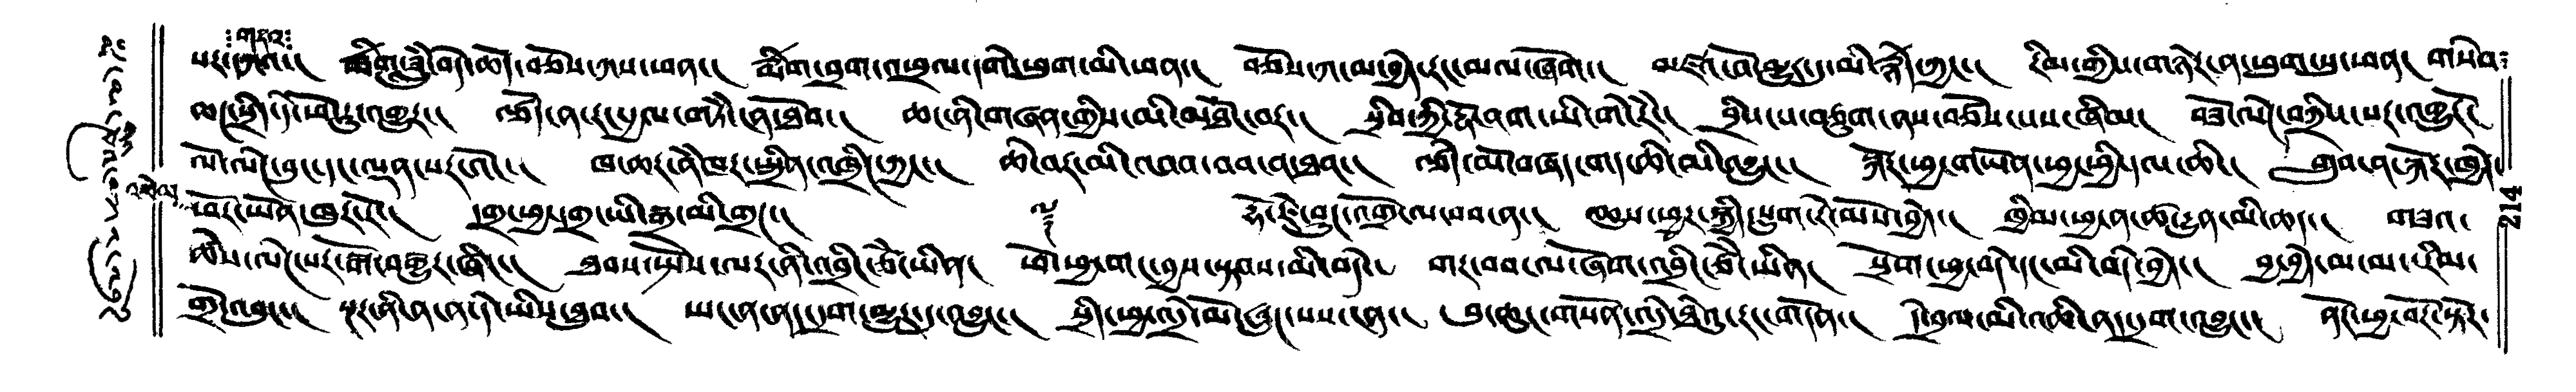པར་གདའ། །རྨིག་ཟླུམ་བེད་ཆོད་བཅོས་ཀས་ཕན། །རྨིག་དབྲག་འཕྲལ་དགེ་ཕུགས་མི་ཕན། །བཅོས་ཀ་མ་བྱེད་རང་མལ་ཞོག །མཛའ་བོ་མྱུར་དུ་མི་རྙེད་ཀྱང་། །རིམ་གྱི་གཉེར་ན་ཕུགས་སུ་ཕན། །གསེབ་
ཆགས་སྲིད་དེ་ཕོ་རུ་འགྱུར། །རྩོད་ན་རང་རྒྱལ་གཏམ་ངན་ཐོབ། །ཆང་ནི་གཞན་གྱིས་མི་མཐོང་བར། །སྲིབ་ཀྱི་རྡོ་ནག་ཡི་གེ་རཾ། །བྲིས་པ་བཅུག་ནས་བཙོས་པས་ཞིམ། །བཟོ་ལེགས་བཀྲ་ཤིས་པར་འགྱུར་རོ། །
ལོ་ལེགས་བུངས་དང་ལྡན་པར་འོང་།ཁ་ཆར་ནམ་མཁར་སྤྲིན་འཁྲིགས་ཀྱང་། །ཆེ་བར་མི་འབབ་བབ་ན་ཐན། །རྩེད་མོ་བཞད་གད་ཆེ་མི་འབྱུང་། །སྐོར་ཕྱྭ་གཡོན་ཕྱྭ་ཕྱི་དལ་ཆི། །གྲུབ་ན་སྐོར་
འཕེལ་ཡོན་ཁུར་རོ། །དགྲ་ཕྱྭ་དགྲ་ཡི་སྒྲ་མི་གྲགས། ༈ རྡོ་རྗེ་ཤུགས་འགྲོ་ལ་བབ་ན། །ཆུས་ཕྱྭར་སྐྱིད་སྡུག་རེ་མོས་བྱེད། །ཁྱིམ་ཕྱྭ་ན་ཚ་རྒྱུན་མི་ཆད། །གཟའ་
ཚེས་ལེགས་པར་སྒོ་བསྒྱུར་ཞིང་། །ཐབ་སྤོས་ལར་ནི་འབྲིང་ཙམ་ཡིན། །ཕོ་ཕྱྭ་གང་བྱས་སྟབས་མི་བདེ། །གར་བབ་ལ་ཞོག་འབྲིང་ཙམ་ཡིན། །སྲོག་ཕྱྭ་བདེ་དང་མི་བདེ་བྱེད། །བྱ་བྱེད་མ་མང་རིམ་
གྲོར་འབུངས། །སྔར་ནི་ན་ན་དེ་ཡིས་ཐུབ། །ཡང་ན་ནད་དྲག་མྱུར་དུ་འབྱུང་། །སྲིད་ཕྱྭ་འདྲེ་མོ་ཞུགས་པས་ངན། །བུ་ཆུང་གསོན་འདྲེ་ཐེའུ་རང་གདོན། །དེ་བྲལ་མི་འཆི་ནད་དྲག་འབྱུང་། །ནོར་ཕྱྭ་བོར་སྟོར་